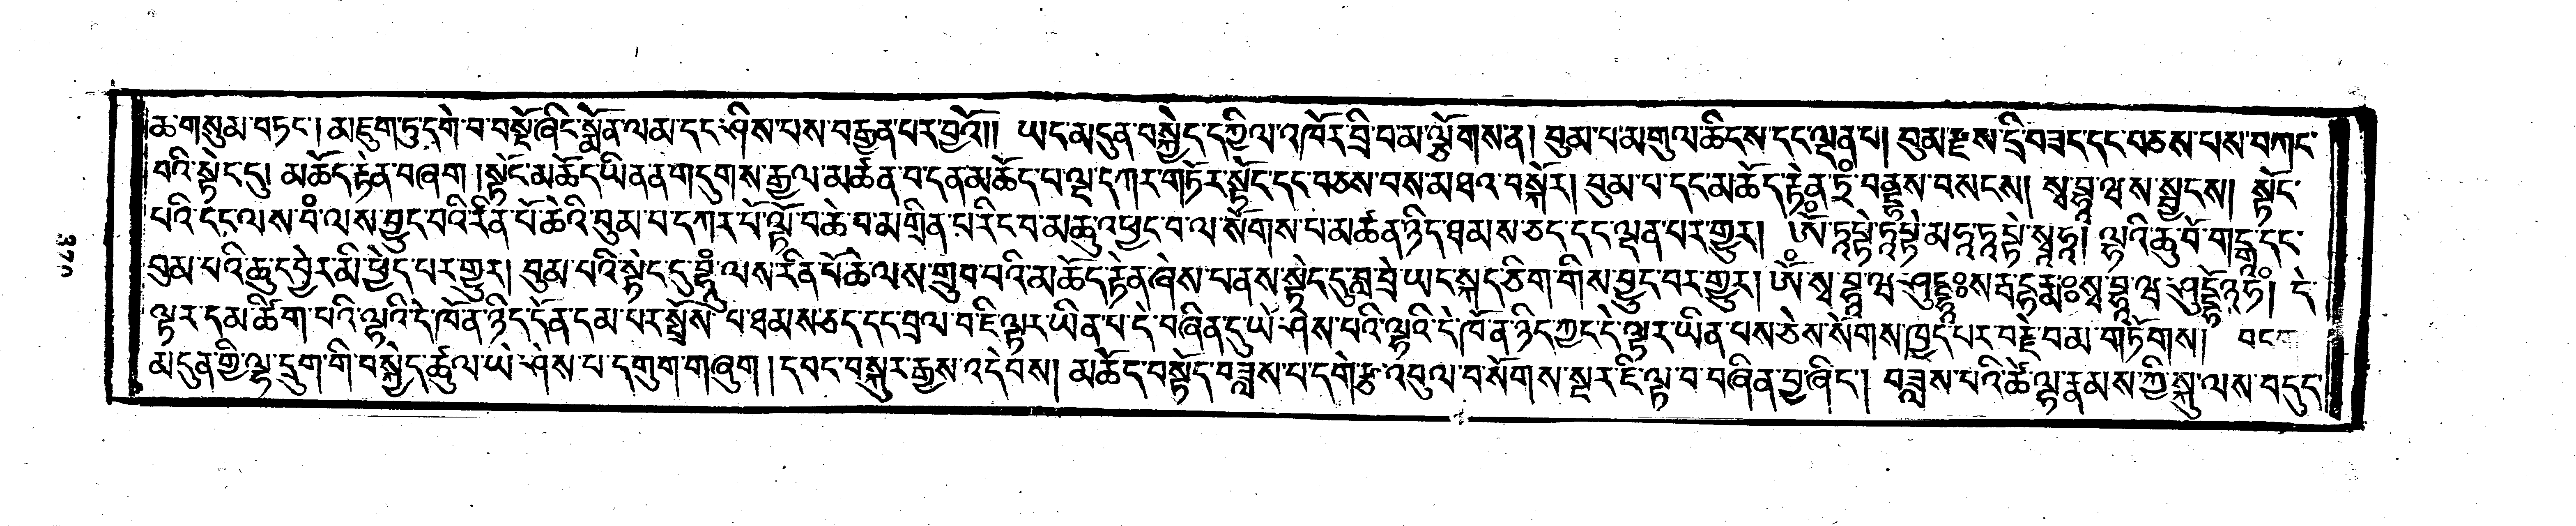ཆ་གསུམ་བཏང་། མཇུག་ཏུ་དགེ་བ་བསྔོ་ཞིང་སྨོན་ལམ་དང་ཤིས་པས་བརྒྱན་པར་བྱའོ། །ཡང་མདུན་བསྐྱེད་དཀྱིལ་འཁོར་བྲི་བ་མ་ལྕོགས་ན། བུམ་པ་མགུལ་ཆིངས་དང་ལྡན་པ། བུམ་རྫས་དྲི་བཟང་དང་བཅས་པས་བཀང་
བའི་སྟེང་དུ། མཆོད་རྟེན་བཞག །སྟོང་མཆོད་ཡིན་ན་གདུགས་རྒྱལ་མཚན་བ་དན་མཆོད་པ་ལྔ་དཀར་གཏོར་སྟོང་དང་བཅས་པས་མཐའ་བསྐོར། བུམ་པ་དང་མཆོད་རྟེན་ཏྲཾ་བནྡྷས་བསངས། སྭ་བྷཱ་ཝས་སྦྱངས། སྟོང་
པའི་ངང་ལས་བཾ་ལས་བྱུང་བའི་རིན་པོ་ཆེའི་བུམ་པ་དཀར་པོ་ལྟོ་བ་ཆེ་བ་མགྲིན་པ་རིང་བ་མཆུ་འཕྱང་བ་ལ་སོགས་པ་མཚན་ཉིད་ཐམས་ཅད་དང་ལྡན་པར་གྱུར། ཨོཾ་ཏཱཔྟེ་ཏཱཔྟེ་མཧཱ་ཏཱཔྟེ་སྭཱཧཱ། ལྷའི་ཆུ་བོ་གངྒཱ་དང་
བུམ་པའི་ཆུ་དབྱེར་མི་ཕྱེད་པར་གྱུར། བུམ་པའི་སྟེང་དུ་བྷྲཱུཾ་ལས་རིན་པོ་ཆེ་ལས་གྲུབ་པའི་མཆོད་རྟེན་ཞེས་པ་ནས་སྟེང་དུ་བླ་བྲེ་ཡང་སྐད་ཅིག་གིས་བྱུང་བར་གྱུར། ཨོཾ་སྭ་བྷཱ་ཝ་ཤུདྡྷཱཿ སརྦ་དྷརྨཿ སྭ་བྷཱ་ཝ་ཤུདྡྷོ་ཉ་ཧཾ། དེ་
ལྟར་དམ་ཚིག་པའི་ལྷའི་དེ་ཁོ་ན་ཉིད་དོན་དམ་པར་སྤྲོས་པ་ཐམས་ཅད་དང་བྲལ་བ་ཇི་ལྟར་ཡིན་པ་དེ་བཞིན་དུ་ཡེ་ཤེས་པའི་ལྷའི་དེ་ཁོ་ན་ཉིད་ཀྱང་དེ་ལྟར་ཡིན་པས་ཅེས་སོགས་ཁྱད་པར་བརྗེ་བ་མ་གཏོགས། བདག་
མདུན་གྱི་ལྷ་དྲུག་གི་བསྐྱེད་ཚུལ་ཡེ་ཤེས་པ་དགུག་གཞུག །དབང་བསྐུར་རྒྱས་འདེབས། མཆོད་བསྟོད་བཟླས་པ་དགེ་རྩ་འབུལ་བ་སོགས་སྔར་ཇི་ལྟ་བ་བཞིན་བྱ་ཞིང་། བཟླས་པའི་ཚེ་ལྷ་རྣམས་ཀྱི་སྐུ་ལས་བདུད་